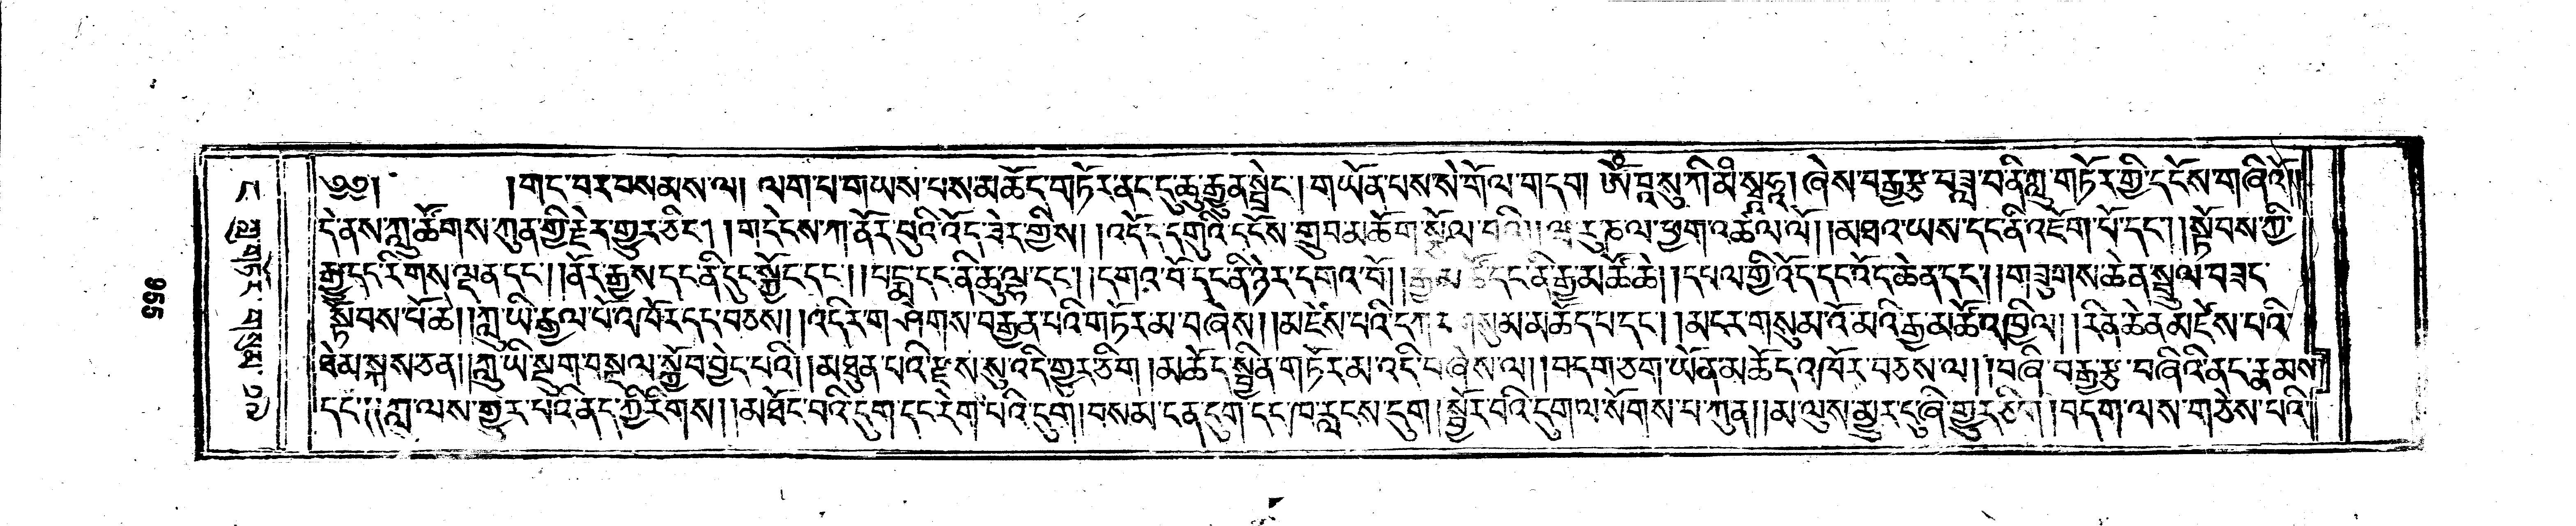༄༅། །གང་བར་བསམས་ལ། ལག་པ་གཡས་པས་མཆོད་གཏོར་ནང་དུ་ཆུ་རྒྱུན་སྦྲེང་། གཡོན་པས་སེ་གོལ་གདབ། །ཨོཾ་བཱ་སུ་ཀི་མཾ་སྭཱཧཱ། ཞེས་བརྒྱ་རྩ་བཟླ་བ་ནི་ཀླུ་གཏོར་གྱི་དངོས་གཞིའོ། །
དེ་ནས་ཀླུ་ཚོགས་ཀུན་གྱི་རྗེར་གྱུར་ཅིང་། །གདེངས་ཀ་ནོར་བུའི་འོད་ཟེར་གྱིས། །འདོད་དགུའི་དངོས་གྲུབ་མཆོག་སྩོལ་བའི། །ཝ་རུ་ཎ་ལ་ཕྱག་འཚལ་ལོ། །མཐའ་ཡས་དང་ནི་འཇོག་པོ་དང་། །སྟོབས་ཀྱི་
རྒྱུ་དང་རིགས་ལྡན་དང་། །ནོར་རྒྱས་དང་ནི་དུང་སྐྱོང་དང་། །པདམ་དང་ནི་ཆུ་ལྷ་དང་། །དགའ་བོ་དང་ནི་ཉེར་དགའ་བོ། །རྒྱ་མཚོ་དང་ནི་རྒྱ་མཚོ་ཆེ། །དཔལ་གྱི་འོད་དང་འོད་ཆེན་དང་། །གཟུགས་ཆེན་སྦྲུལ་བཟང་
སྟོབས་པོ་ཆེ། །ཀླུ་ཡི་རྒྱལ་པོ་འཁོར་དང་བཅས། །འདིར་གཤེགས་བརྒྱན་པའི་གཏོར་མ་བཞིས། །མཛེས་པའི་དཀར་གསུམ་མཆོད་པ་དང་། །མངར་གསུམ་འོ་མའི་རྒྱ་མཚོ་འཁྱིལ། །རིན་ཆེན་མཛེས་པའི་
ཐེམ་སྐས་ཅན། །ཀླུ་ཡི་སྡུག་བསྔལ་སྐྱོབ་བྱེད་པའི། །མཐུན་པའི་རྫས་སུ་འདི་གྱུར་ཅིག །མཆོད་སྦྱིན་གཏོར་མ་འདི་བཞེས་ལ། །བདག་ཅག་ཡོན་མཆོད་འཁོར་བཅས་ལ། །བཞི་བརྒྱ་རྩ་བཞིའི་ནད་རྣམས་
དང༑ ༑ཀླུ་ལས་གྱུར་པའི་ནད་ཀྱི་རིགས། །མཐོང་བའི་དུག་དང་རེག་པའི་དུག །བསམ་ངན་དུག་དང་ཁ་རླངས་དུག །སྦྱོར་བའི་དུག་ལ་སོགས་པ་ཀུན། །མ་ལུས་མྱུར་དུ་ཞི་གྱུར་ཅིག །བདག་ལས་གཙོས་པའི་